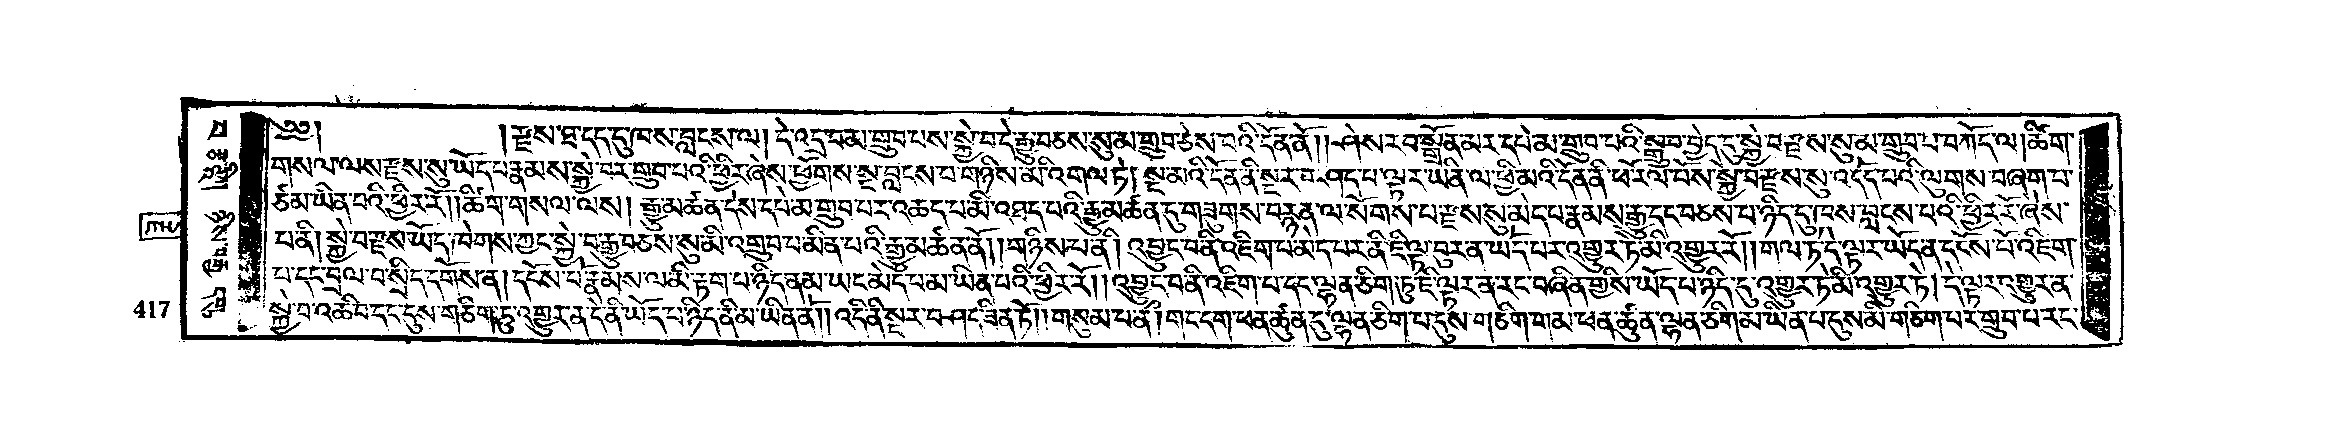༄༅། །རྫས་ཐ་དད་དུ་ཁས་བླངས་ལ། དེ་འདྲ་བ་མ་གྲུབ་པས་སྐྱེ་བ་དེ་རྒྱུ་བཅས་སུ་མ་གྲུབ་ཅེས་པའི་དོན་ནོ། །ཤེས་རབ་སྒྲོན་མར་དཔེ་མ་གྲུབ་པའི་སྒྲུབ་བྱེད་དུ་སྐྱེ་བ་རྫས་སུ་མ་གྲུབ་པ་བཀོད་ལ། ཚིག་
གསལ་ལས་རྫས་སུ་ཡོད་པ་རྣམས་སྐྱེ་བར་གྲུབ་པའི་ཕྱིར་ཞེས་ཕྱོགས་སྔ་བླངས་པ་གཉིས་མི་འགལ་ཏེ། སྔ་མའི་དོན་ནི་སྔར་བཤད་པ་ལྟར་ཡིན་ལ་ཕྱི་མའི་དོན་ནི་ཕ་རོལ་པོས་སྐྱེ་བ་རྫས་སུ་འདོད་པའི་ལུགས་བཞག་པ་
ཙམ་ཡིན་པའི་ཕྱིར་རོ། །ཚིག་གསལ་ལས། རྒྱུ་མཚན་དེས་དཔེ་མ་གྲུབ་པར་འཆད་པ་མི་འཐད་པའི་རྒྱུ་མཚན་དུ་གཟུགས་བརྙན་ལ་སོགས་པ་རྫས་སུ་མེད་པ་རྣམས་རྒྱུ་དང་བཅས་པ་ཉིད་དུ་ཁས་བླངས་པའི་ཕྱིར་རོ་ཞེས་
པ་ནི། སྐྱེ་བ་རྫས་ཡོད་ཁེགས་ཀྱང་སྐྱེ་བ་རྒྱུ་བཅས་སུ་མི་འགྲུབ་པ་མིན་པའི་རྒྱུ་མཚན་ནོ། །གཉིས་པ་ནི། འབྱུང་བ་ནི་འཇིག་པ་མེད་པར་ནི་ཇི་ལྟ་བུར་ན་ཡོད་པར་འགྱུར་ཏེ་མི་འགྱུར་རོ། །གལ་ཏེ་དེ་ལྟར་ཡོད་ན་དངོས་པོ་འཇིག་
པ་དང་བྲལ་པ་སྲིད་དགོས་ན། དངོས་པོ་རྣམས་ལ་མི་རྟོག་པ་ཉིད་ནམ་ཡང་མེད་པ་མ་ཡིན་པའི་ཕྱིར་རོ། །འབྱུང་བ་ནི་འཇིག་པ་དང་ལྷན་ཅིག་ཏུ་ཇི་ལྟར་ན་རང་བཞིན་གྱིས་ཡོད་པ་ཉིད་དུ་འགྱུར་ཏེ་མི་འགྱུར་ཏེ། དེ་ལྟར་འགྱུར་ན་
སྐྱེ་བ་འཆི་བ་དང་དུས་གཅིག་ཏུ་འགྱུར་ན་དེ་ནི་ཡོད་པ་ཉིད་ནི་མ་ཡིན་ནོ། །འདི་ནི་སྔར་བཤད་ཟིན་ཏོ། །གསུམ་པ་ནི། གང་དག་ཕན་ཚུན་དུ་ལྷན་ཅིག་པ་དུས་གཅིག་གམ་ཕན་ཚུན་ལྷན་ཅིག་མ་ཡིན་པ་དུས་མི་གཅིག་པར་གྲུབ་པ་རང་